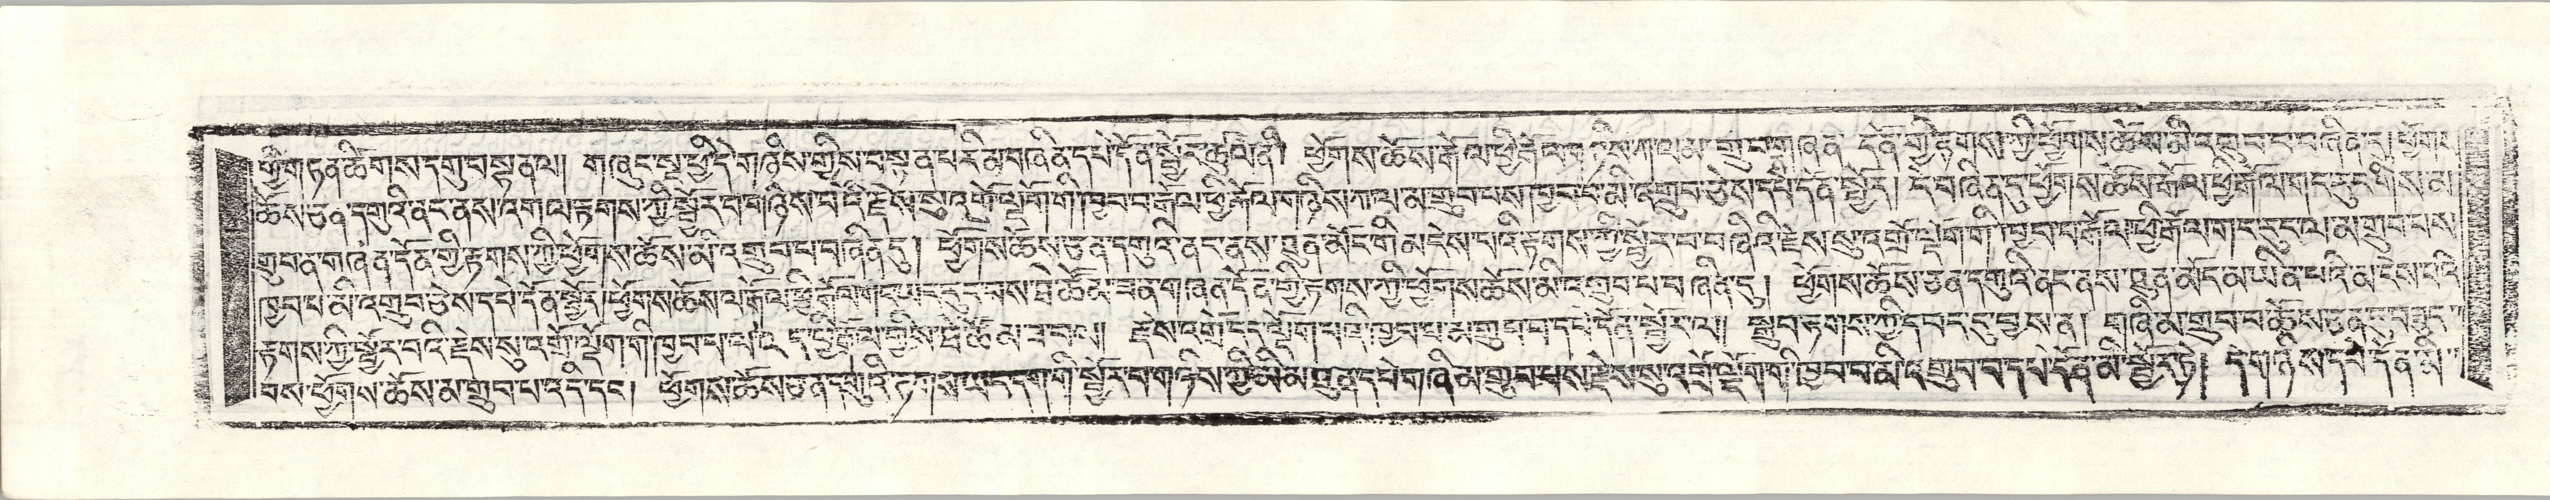གྱི་གཏན་ཚིགས་དགུ་བསྟན་ལ། གཞུང་སྔ་ཕྱི་དེ་གཉིས་གྱིས་བསྟན་རིམ་བཞིན་དཔེ་དོན་སྦྱོར་ཚུལ་ནི། ཕྱོགས་ཆོས་རྒོལ་ཕྱི་རྒོལ་གཉིས་ཀ་ལ་མ་གྲུབ་ན་གཞན་དོན་གྱི་རྟགས་ཀྱི་ཕྱོགས་ཆོས་མི་འགྲུབ་པ་བཞིན་དུ། ཕྱོགས་
ཆོས་ཅན་དགུའི་ནང་ནས་འགལ་རྟགས་ཀྱི་སྦྱོར་བ་གཉིས་པོའི་རྗེས་སུ་འགྲོ་ལྡོག་གི་ཁྱབ་པ་རྒོལ་ཕྱི་རྒོལ་གཉིས་ཀ་ལ་མ་གྲུབ་པས་ཁྱབ་པ་མི་འགྲུབ་ཅེས་དཔེ་དོན་སྦྱོར། དེ་བཞིན་དུ་ཕྱོགས་ཆོས་རྒོལ་ཕྱི་རྒོལ་གང་རུང་གིས་མ་
གྲུབ་ན་གཞན་དོན་གྱི་རྟགས་ཀྱི་ཕྱོགས་ཆོས་མི་འགྲུབ་པ་བཞིན་དུ། ཕྱོགས་ཆོས་ཅན་དགུའི་ནང་ནས་ཐུན་མོང་གི་མ་ངེས་པའི་རྟགས་ཀྱི་སྦྱོར་བ་བཞིའི་རྗེས་སུ་འགྲོ་ལྡོག་གི་ཁྱབ་པ་རྒོལ་ཕྱི་རྒོལ་གང་རུང་ལ་མ་གྲུབ་པས་
ཁྱབ་པ་མི་འགྲུབ་ཅེས་དཔེ་དོན་སྦྱོར། ཕྱོགས་ཆོས་ལ་རྒོལ་ཕྱི་རྒོལ་གང་ཡང་རུང་བས་ཐེ་ཚོམ་ཟ་ན་གཞན་དོན་གྱི་རྟགས་ཀྱི་ཕྱོགས་ཆོས་མི་འགྲུབ་པ་བཞིན་དུ། ཕྱོགས་ཆོས་ཅན་དགུའི་ནང་ནས་ཐུན་མོང་མ་ཡིན་པའི་མ་ངེས་པའི་
རྟགས་ཀྱི་སྦྱོར་བའི་རྗེས་སུ་འགྲོ་ལྡོག་གི་ཁྱབ་པ་ལ་འང་། ཕྱི་རྒོལ་གྱིས་ཐེ་ཚོམ་ཟ་བས། རྗེས་འགྲོ་དང་ལྡོག་པའི་ཁྱབ་པ་མ་གྲུབ་པ་དཔེ་དོན་སྦྱོར་ལ། སྒྲུབ་རྟགས་ཀྱི་དབང་དུ་བྱས་ན། གཞི་མ་གྲུབ་པ་ཆོས་ཅན་དུ་བཟུང་
བས་ཕྱོགས་ཆོས་མ་གྲུབ་པ་འདི་དང་། ཕྱོགས་ཆོས་ཅན་དགུའི་རྟགས་ཡང་དག་གི་སྦྱོར་བ་གཉིས་ཀྱི་མི་མཐུན་དཔེ་གཞི་མ་གྲུབ་པས་རྗེས་སུ་འགྲོ་ལྡོག་གི་ཁྱབ་པ་མི་འགྲུབ་པ་དཔེ་དོན་མི་སྦྱོར་ཏེ། དེ་གཉིས་དཔེ་དོན་མི་